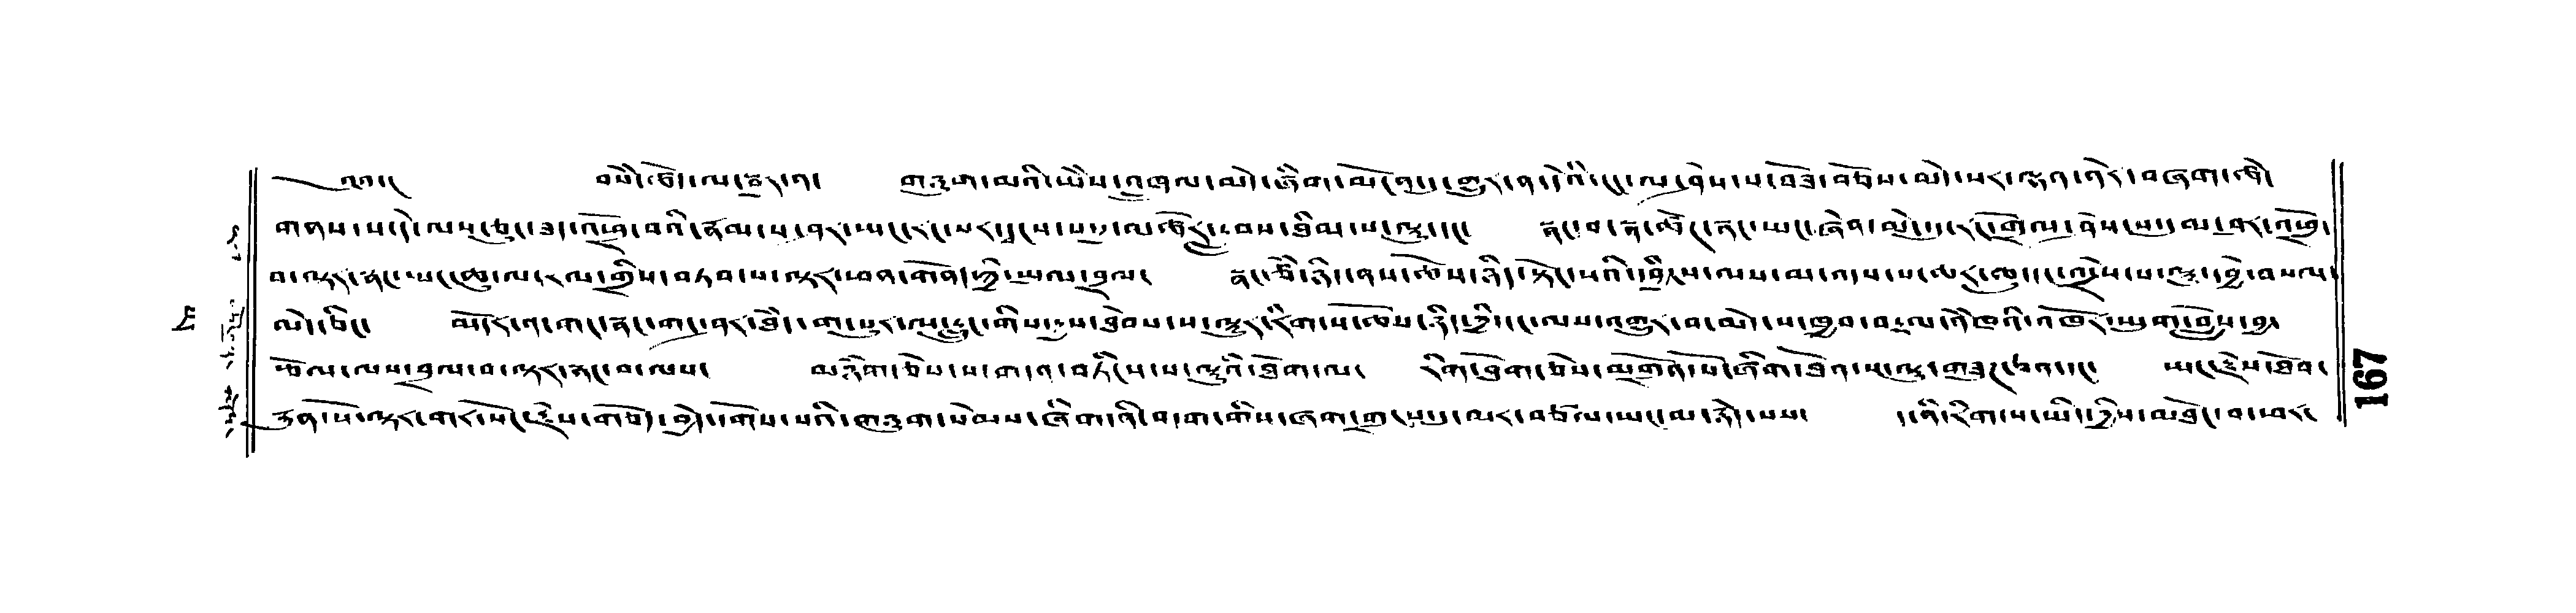བསམ་ཚོད་ལ་སྦྱར་ན། གཉུག་མའི་ཡེ་ཤེས་འཁྲུལ་མེད་ཞིག་མངོན་དུ་གྱུར་ནས་དེའི་ངང་ལ་ཤེས་པ་བཟོ་བཅོས་མེད་པར་ལྷན་ནེར་བཞག་ཚེ་
གནས་པ་དེ་ལས་ཅུང་ཟད་འཕྲོ་བའི་རྣམ་པ་ཤར་ཡང་རང་སར་དྭངས་པ་རྒྱ་མཚོར་རླབས་ཐིམ་པ་ལྟ་བུ་དང་། སྣང་བ་སྣ་ཚོགས་སྣང་ཡང་ཞེན་མེད་དུ་རང་གྲོལ། ཤེས་པ་དུམ་བུར་འཕྲོ་
བ་ལྟར་སྣང་ཡང་ཆུ་ལ་རལ་གྲིས་བཏབ་པ་ལྟར་ཕན་གནོད་ཀྱི་ཡུལ་བྲལ། སྣང་ཙམ་ཉིད་ནས་ཆོས་ཉིད་སྟོང་པའི་དབྱིངས་ལས་མ་འདས་པ་ཆར་ཆུ་དང་འདྲེས་པ་ལྟ་བུ་དབྱེ་བསལ་
མེད་ཅིང་། མདོར་ན་གང་སྣང་གང་ཤར་ཐམས་ཅད་ག་པུར་ལ་རླུང་གིས་རྒྱས་ཐེབས་པ་ལྟ་བུར་རིག་པ་ཆོས་ཉིད་ངང་ལས་འགྱུར་བ་མེད་པ་ཁྱབ་བརྡལ་ནམ་མཁའི་འཁོར་ཡུག་བློས་བྱ་
རྩོལ་ལས་བྲལ་བ་ལྟར་སྣང་བ་ལས། མཉམ་གཞག་ཅེས་པ་གདན་བཏིངས་པ་ལྟ་བུའི་ཐོག་ལ། རིག་ཐོག་ཅེས་མགྲོན་པོ་ཞིག་ཐོན་པ་ལྟ་བུ་གཟུགས་ཅན་དང་། ཡང་རྗེས་ཐོབ་
རྐུན་པོ་ལྟར་གར་སོང་རྗེས་གཅོད་བྱེད་དགོས་པའི་གཉུག་སེམས་ཞིག་ནི་བདག་གིས་ཞག་གྲངས་དུ་མར་བཙལ་ཡང་མ་རྙེད་པས།ད་ནི་རིག་པ་ཡིད་ཀྱིས་མཐོང་བ་ཕར་